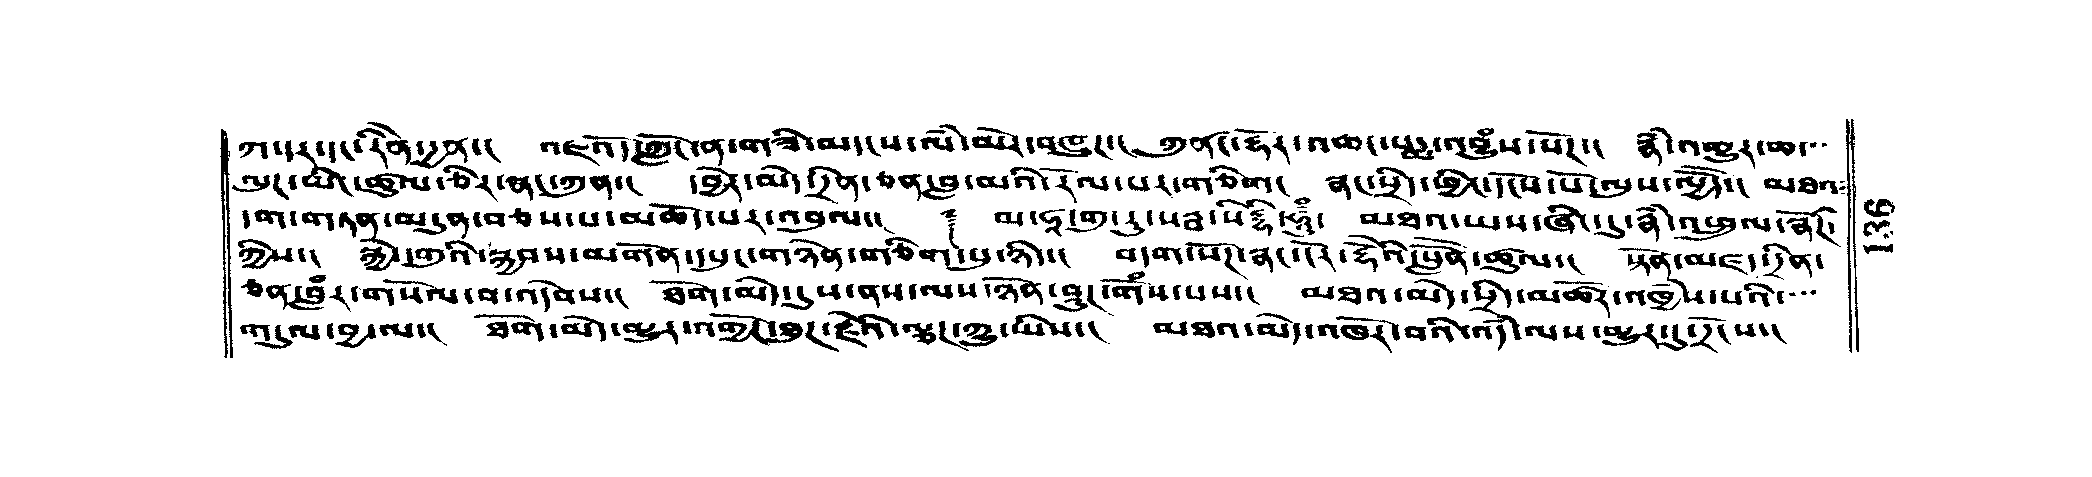ཀ་དར་དང་རིན་ཆེན་རྒྱན། །འཇའ་འོད་ཀློང་ན་གཟི་མདངས་ལམ་མེར་བཞུགས། །ཀུན་བཟང་རྡོར་འཆང་པདྨ་འབྱུང་གནས་སོགས། །རྣམ་འགྱུར་ཆ་
ལུགས་མིང་ཚུལ་ཅིར་སྣང་ཀུན། །དབྱེར་མེད་དྲིན་ཅན་བླ་མའི་རོལ་པར་གཅིག །སྣང་སྲིད་ཕྱི་ནང་དངོས་པོ་ལུས་ལོངས་སྤྱོད། །མཐའ་
དག་གཏན་མདུན་བཅས་པ་མཆོད་པར་འབུལ། ༈ མ་ཧཱ་གུ་རུ་སརྦ་སིདྡྷི་ཧཱུྃ། མཐའ་ཡས་ཞིང་དུ་རྣམ་འཕྲུལ་སྣ་ཚོགས་
ཀྱིས། །སྐྱེ་དགུའི་སྐྱབས་མགོན་དཔུང་གཉེན་གཅིག་པུ་ཉིད། །བདག་སོགས་སྣང་ངོར་རྡོ་རྗེའི་སློབ་དཔོན་ཚུལ། །སྟོན་མཛད་དྲིན་
ཅན་བླ་མར་གསོལ་བ་འདེབས། །ཐོག་མེད་དུས་ནས་ལས་ཉོན་ཤུགས་གོམས་པས། །མཐའ་མེད་སྲིད་མཚོར་འཁྱམས་པའི་
གདུལ་བྱ་ལ། །ཐོག་མེད་མྱུར་འགྱོགས་ཐུགས་རྗེའི་ལྕགས་ཀྱུ་ཡིས། །མཐའ་མེད་འཁོར་བའི་འདམ་ལས་མྱུར་དུ་དྲོངས།